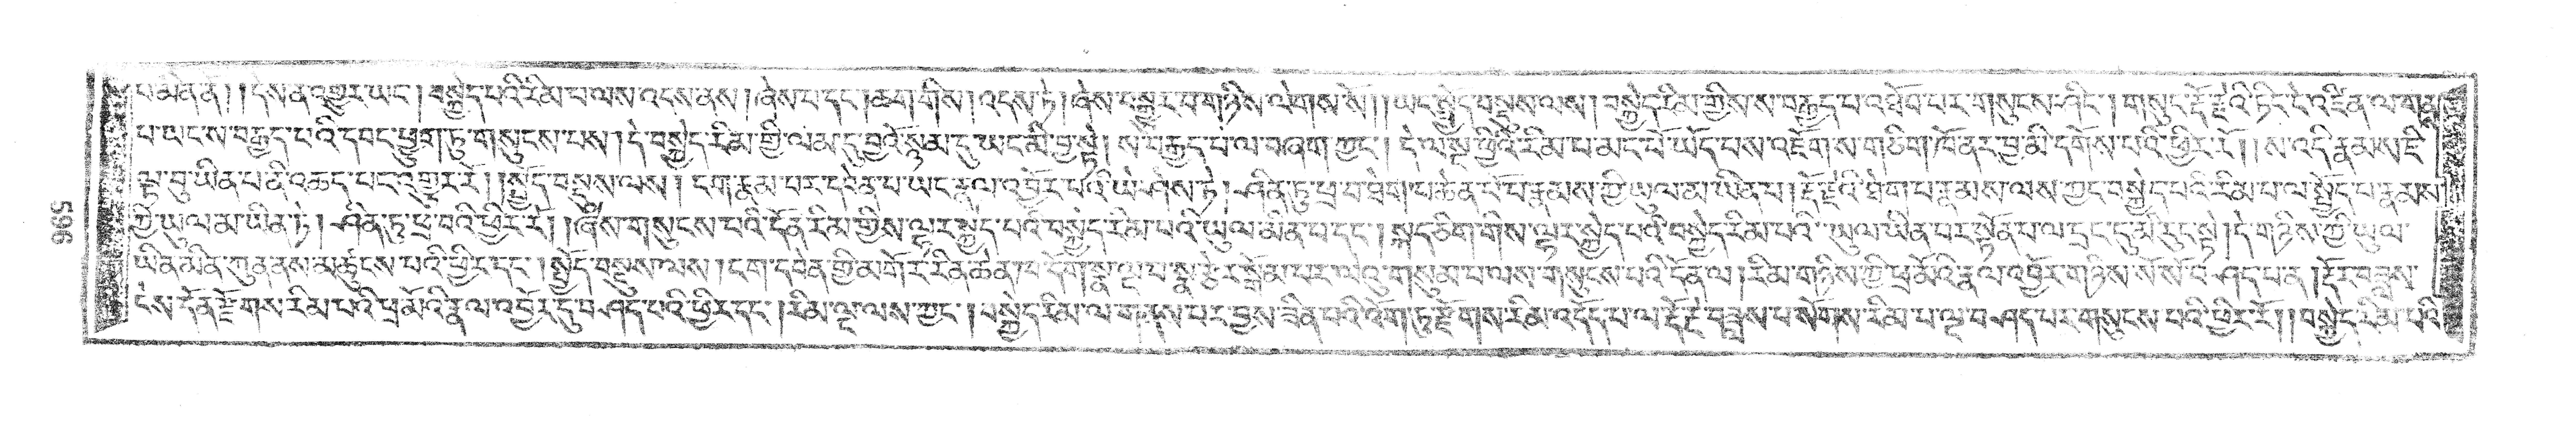པ་མིན་ནོ། །དེས་ན་འགྱུར་ཡང་། བསྐྱེད་པའི་རིམ་པ་ལས་འདས་ནས། ཞེས་པ་དང་། ཆག་གིས། འདས་ཏེ། ཞེས་བསྒྱུར་བ་གཉིས་ལེགས་སོ། །ཡང་སྤྱོད་བསྡུས་ལས། བསྐྱེད་རིམ་གྱིས་ས་བརྒྱད་པ་འཐོབ་པར་གསུངས་ཤིང་།གསུང་རྡོ་རྗེའི་ཏིང་ངེ་འཛིན་ལ་གནས་
པ་ཡང་ས་བརྒྱད་པའི་དབང་ཕྱུག་ཏུ་གསུངས་པས། དེ་བསྐྱེད་རིམ་གྱི་ལམ་དུ་བྱའོ་སྙམ་དུ་ཡང་མི་བྱ་སྟེ། ས་བརྒྱད་པ་ལ་བཞག་ཀྱང་། དེ་ལ་སྔ་ཕྱིའི་རིམ་པ་མང་པོ་ཡོད་པས་འཇོག་ས་གཅིག་ཁོ་ནར་བྱ་མི་དགོས་པའི་ཕྱིར་རོ། །ས་འདི་རྣམས་ཇི་
ལྟ་བུ་ཡིན་པ་ནི་འཆད་པར་འགྱུར་རོ། །སྤྱོད་བསྡུས་ལས། ངག་རྣམ་པར་དབེན་པ་ཡང་རྣལ་འབྱོར་པའི་ཡེ་ཤེས་ཏེ། ཤིན་ཏུ་ཕྲ་བ་ཐེག་པ་ཆེན་པོ་པ་རྣམས་ཀྱི་ཡུལ་མ་ཡིན་པ། རྡོ་རྗེའི་ཐེག་པ་རྣམས་ལས་ཀྱང་བསྐྱེད་པའི་རིམ་པ་ལ་སྤྱོད་པ་རྣམས་
ཀྱི་ཡུལ་མ་ཡིན་ཏེ། ཤིན་ཏུ་ཕྲ་བའི་ཕྱིར་རོ། །ཞེས་གསུངས་པའི་དོན་རིམ་གྱིས་ལྷར་སྐྱེད་པའི་བསྐྱེད་རིམ་པའི་ཡུལ་མིན་པ་དང་། སྐད་ཅིག་གིས་ལྷར་སྐྱེད་པའི་བསྐྱེད་རིམ་པའི་ཡུལ་ཡིན་པར་སྟོན་པ་ལ་དྲང་དུ་མི་རུང་སྟེ། དེ་གཉིས་ཀྱི་ཡུལ་
ཡིན་མིན་ཀུན་ནས་མཚུངས་པའི་ཕྱིར་དང་། སྤྱོད་བསྡུས་ལས། ངག་དབེན་གྱི་མགོར་རིན་ཆེན་ཁ་དོག་སྣ་ལྔ་པ་སྣ་རྩེར་སྒོམ་པར་ལེའུ་གསུམ་པ་ལས་གསུངས་པའི་དོན་ལ། རིམ་གཉིས་ཀྱི་ཕྲ་མོའི་རྣལ་འབྱོར་གཉིས་སོ་སོ་བཤད་པ་ན། རྡོར་བཟླས་
ངེས་དོན་རྫོགས་རིམ་པའི་ཕྲ་མོའི་རྣལ་འབྱོར་དུ་བཤད་པའི་ཕྱིར་དང་། རིམ་ལྔ་ལས་ཀྱང་། བསྐྱེད་རིམ་ལ་གནས་པར་བྱས་ཟིན་པའི་འོག་ཏུ་རྫོགས་རིམ་འདོད་པ་ལ་རྡོ་རྗེ་བཟླས་པ་སོགས་རིམ་པ་ལྔ་བཤད་པར་གསུངས་པའི་ཕྱིར་རོ། །བསྐྱེད་རིམ་པའི་